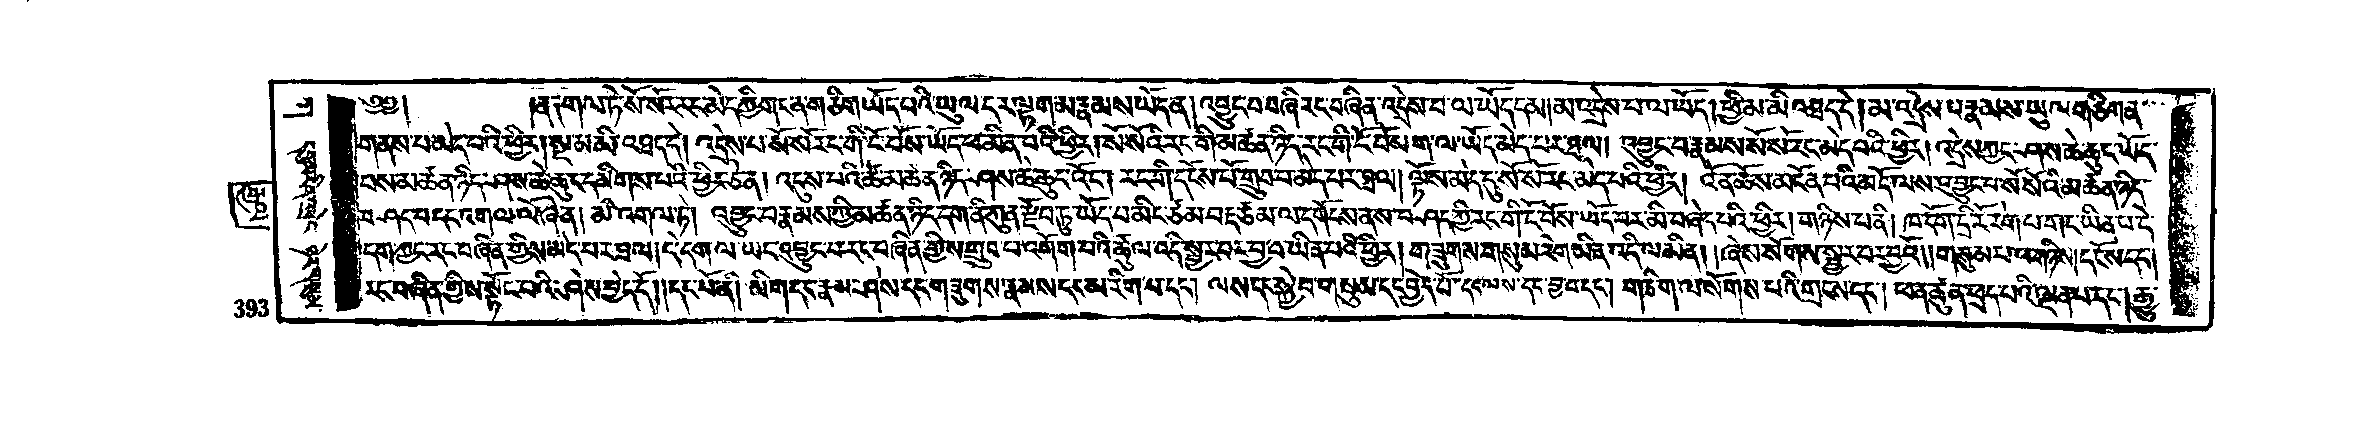༄༅། །ན། གལ་ཏེ་སོ་སོར་རང་མེད་ཀྱི་གང་ན་གཅིག་ཡོད་པའི་ཡུལ་དང་ལྷག་མ་རྣམས་ཡོད་ན། འབྱུང་བ་བཞི་རང་བཞིན་འདྲེས་པ་ལ་ཡོད་དམ། མ་འདྲེས་པ་ལ་ཡོད། ཕྱི་མ་མི་འཐད་དེ། མ་འདྲེས་པ་རྣམས་ཡུལ་གཅིག་ན་
གནས་པ་མེད་པའི་ཕྱིར། སྔ་མ་མི་འཐད་དེ། འདྲེས་པ་སོ་སོ་རང་གི་ངོ་བོས་ཡོད་པ?་མིན་པའི་ཕྱིར། སོ་སོའི་རང་གི་མཚན་ཉིད་རང་གི་ངོ་བོས་ག་ལ་ཡོད་མེད་པར་ཐལ། འབྱུང་བ་རྣམས་སོ་སོ་རང་མེད་པའི་ཕྱིར། འདྲེས་ཀྱང་ཤས་ཆེ་ཆུང་ཡོད་
པས་མཚན་ཉིད་ཤས་ཆེ་ཆུང་དམིགས་པའི་ཕྱིར་ཅི་ན། འདུས་པའི་ཚེ་མཚན་ཉིད་ཤས་ཆེ་ཆུང་འོང་། རང་གི་དངོས་པོ་གྲུབ་པ་མེད་པར་ཐལ། ལྟོས་མེད་དུ་སོ་སོ་རང་མེད་པའི་ཕྱིར། འོ་ན་ཆོས་མངོན་པའི་མདོ་ལས་འབྱུང་བ་སོ་སོའི་མཚན་ཉིད་
བཤད་པ་དང་འགལ་ལོ་ཞེ་ན། མི་འགལ་ཏེ། འབྱུང་བ་རྣམས་ཀྱི་མཚན་ཉིད་དག་ནི་ཀུན་རྫོབ་ཏུ་ཡོད་པ་མིང་ཙམ་བརྡ་ཙམ་ལ་དགོངས་ནས་བཤད་ཀྱི་རང་གི་ངོ་བོས་ཡོད་པར་མི་བཞེད་པའི་ཕྱིར། གཉིས་པ་ནི། ཁ་དོག་དྲི་རོ་རེག་པ་གང་ཡིན་པ་དེ་
དག་ཀྱང་རང་བཞིན་གྱིས་མེད་པར་ཐལ། དེ་དག་ལ་ཡང་འབྱུང་བ་རང་བཞིན་གྱིས་གྲུབ་པ་འགོག་པའི་ཚུལ་འདི་སྦྱར་བར་བྱ་བ་ཡིན་པའི་ཕྱིར། གཟུགས་གསུམ་རེག་མིན་འདི་ལ་མིན། །ཞེས་སོགས་སྦྱར་བར་བྱའོ། །གསུམ་པ་ལ་གཉིས། དངོས་དང་།
རང་བཞིན་གྱིས་སྟོང་པའི་ཤེས་བྱེད་དོ། །དང་པོ་ནི། མིག་དང་རྣམ་ཤེས་དང་གཟུགས་རྣམས་དང་མ་རིག་པ་དང་། ལས་དང་སྐྱེ་བ་གསུམ་དང་བྱེད་པོ་དང་ལས་དང་བྱ་བ་དང་། གཅིག་ལ་སོགས་པའི་གྲངས་དང་། ཕན་ཚུན་ཕྲད་པའི་ལྡན་པ་དང་། རྒྱུ་